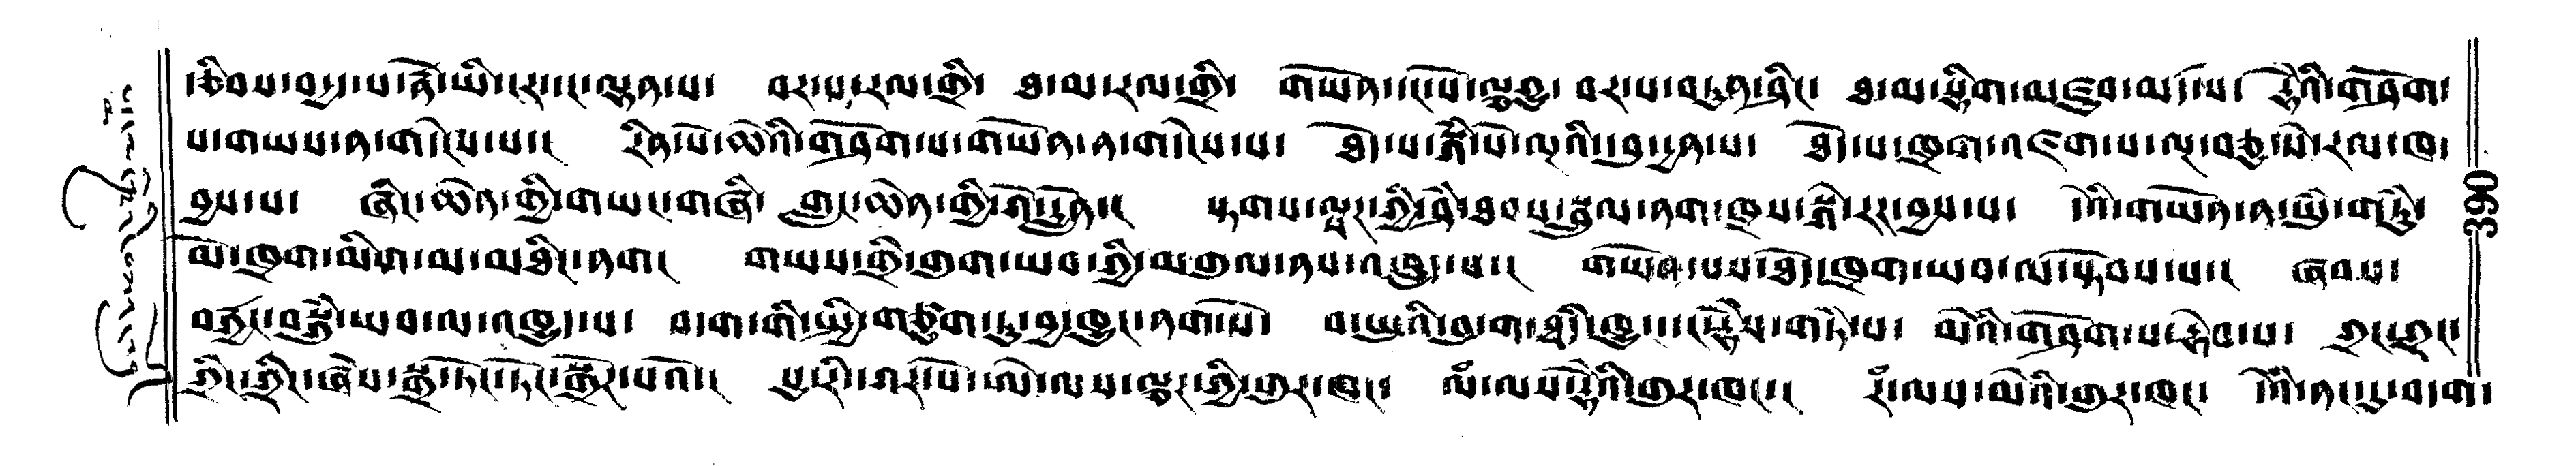རྩིབས་བརྒྱད་པ་རྣོ་བའི་ངར་དང་ལྡན་པ། བར་པ་རལ་གྲི། ཐ་མ་རལ་གྲི། གཡོན་དང་པོ་ལྕགས་ཀྱུ།བར་པ་བཏུན་ཤིང་། ཐ་མ་སྡིགས་མཛུབ་མཛད་པ། རྡོ་རྗེའི་གཤོག་
པ་གཡས་ན་གདེངས་པ། རིན་པོ་ཆེའི་གཤོག་པ་གཡོན་ན་གདེངས་པ། ཐོད་པ་སྐམ་པོ་ལྔས་དབུ་རྒྱན་པ། ཐོད་པ་ཁྲག་འཛག་པ་ལྔ་བཅུས་སེ་རལ་ཁ་
བྱས་པ། ཞིང་ཆེན་གྱི་གཡང་གཞི། གླངཆེན་གྱི་ཀོ་རློན། སྟགས་ལྤགས་ཀྱི་ཤམ་ཐབས་སྦྲུལ་ནག་ཁྲས་སྐེ་རགས་བྱས་པ། དེའི་གཡོན་ན་ཡུམ་གཏུམ་
མོ་ཁྲག་མིག་མ་མཐིང་ནག གཡས་གྲི་གུག་ཡབ་ཀྱི་མགུལ་ནས་འཁྱུད་པ། གཡོན་པས་ཐོད་ཁྲག་ཡབ་ལ་སྟོབ་པ། ཞབས་
བརྐྱང་བསྐུམ་ཡབ་ལ་འཁྱུད་པ། བདག་གི་སྤྱི་གཙུག་ཏུ་བྱ་ཁྱུང་ནག་པོ། བ་སྤུའི་བུ་ག་ཐམས་ཅད་ཁྱུང་དང་རྡོ་རྗེས་གཏམས་པ། མེའི་གཤོག་པ་རྡེབ་པ། ཀྲང་ཀྲང་
ཀྲིང་ཀྲིང་ཞེས་སྒྲ་ཏོང་ཏོང་སྒྲོགས་པའོ། པུ་རི་དཀར་པོ་ཨེ་ལས་ལྕགས་ཀྱི་གུར་ཁང་། ལཾ་ལས་རྡོ་རྗེའི་གུར་ཁང་། རཾ་ལས་མེའི་གུར་ཁང་། དེའི་ནང་དུ་བདག་